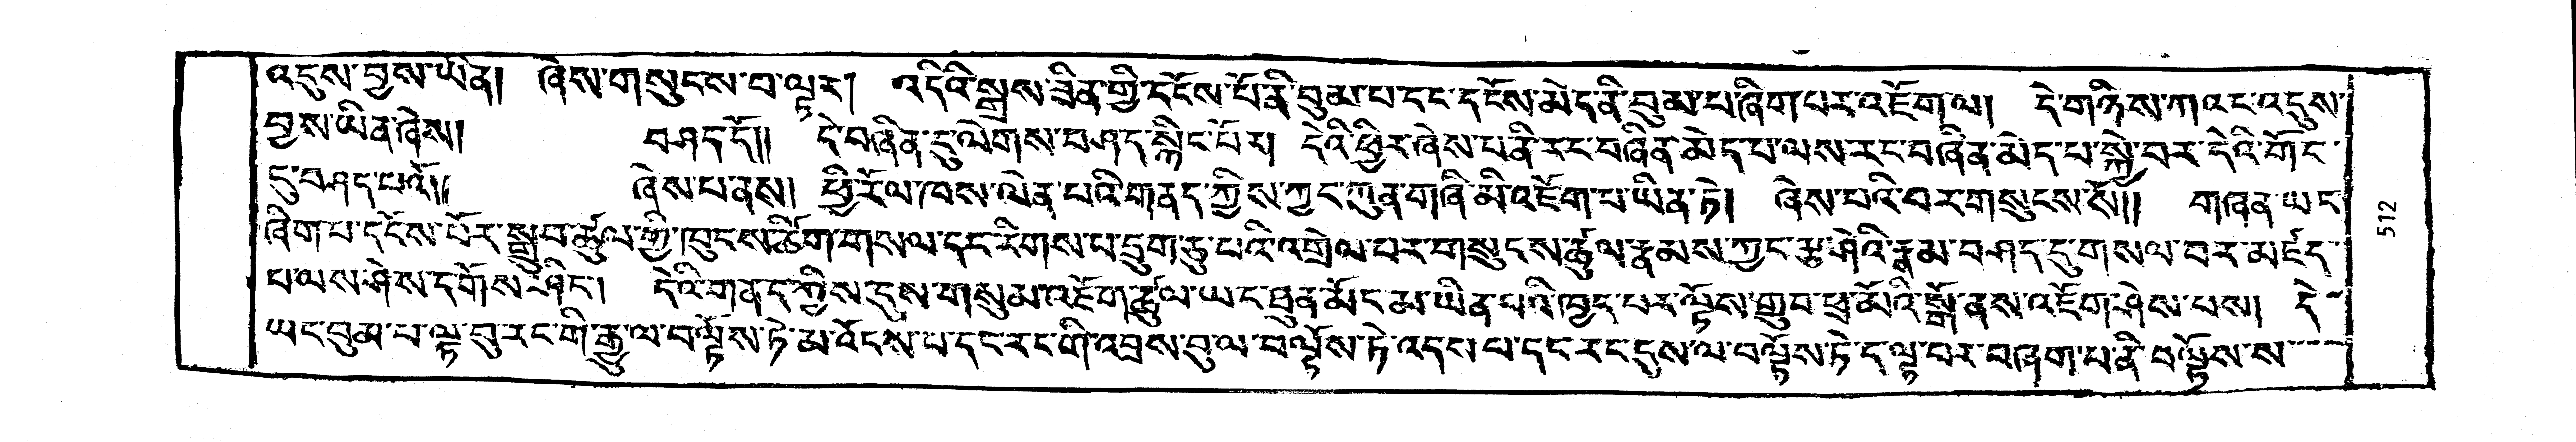འདུས་བྱས་ཡིན། ཞེས་གསུངས་པ་ལྟར། འདིའི་སྒྲས་ཟིན་གྱི་དངོས་པོ་ནི་བུམ་པ་དང་དངོས་མེད་ནི་བུམ་པ་ཞིག་པར་འཇོག་ལ། དེ་གཉིས་ཀའང་འདུས་
བྱས་ཡིན་ཞེས། བཤད་དོ།། དེ་བཞིན་དུ་ལེགས་བཤད་སྙིང་པོར། དེའི་ཕྱིར་ཞེས་པ་ནི་རང་བཞིན་མེད་པ་ལས་རང་བཞིན་མེད་པ་སྐྱེ་བར་དེའི་གོང་
དུ་བཤད་པའོ། །ཞེས་པ་ནས། ཕྱི་རོལ་ཁས་ལེན་པའི་གནད་ཀྱིས་ཀྱང་ཀུན་གཞི་མི་འཇོག་པ་ཡིན་ཏེ། ཞེས་པའི་བར་གསུངས་སོ། །གཞན་ཡང་
ཞིག་པ་དངོས་པོར་སྒྲུབ་ཚུལ་གྱི་ཁུངས་ཚིག་གསལ་དང་རིགས་པ་དྲུག་ཅུ་པའི་འགྲེལ་པར་གསུངས་ཚུལ་རྣམས་ཀྱང་རྩ་ཤེའི་རྣམ་བཤད་དུ་གསལ་བར་མཛད་
པ་ལས་ཤེས་དགོས་ཤིང་། དེའི་གནད་ཀྱིས་དུས་གསུམ་འཇོག་ཚུལ་ཡང་ཐུན་མོང་མ་ཡིན་པའི་ཁྱད་པར་ལྟོས་གྲུབ་ཕྲ་མོའི་སྒོ་ནས་འཇོག་ཤེས་པས། དེ་
ཡང་བུམ་པ་ལྟ་བུ་རང་གི་རྒྱུ་ལ་བལྟོས་ཏེ་མ་འོངས་པ་དང་རང་གི་འབྲས་བུ་ལ་བལྟོས་ཏེ་འདས་པ་དང་རང་དུས་ལ་བལྟོས་ཏེ་ད་ལྟ་བར་བཞག་པ་ནི་བལྟོས་ས་